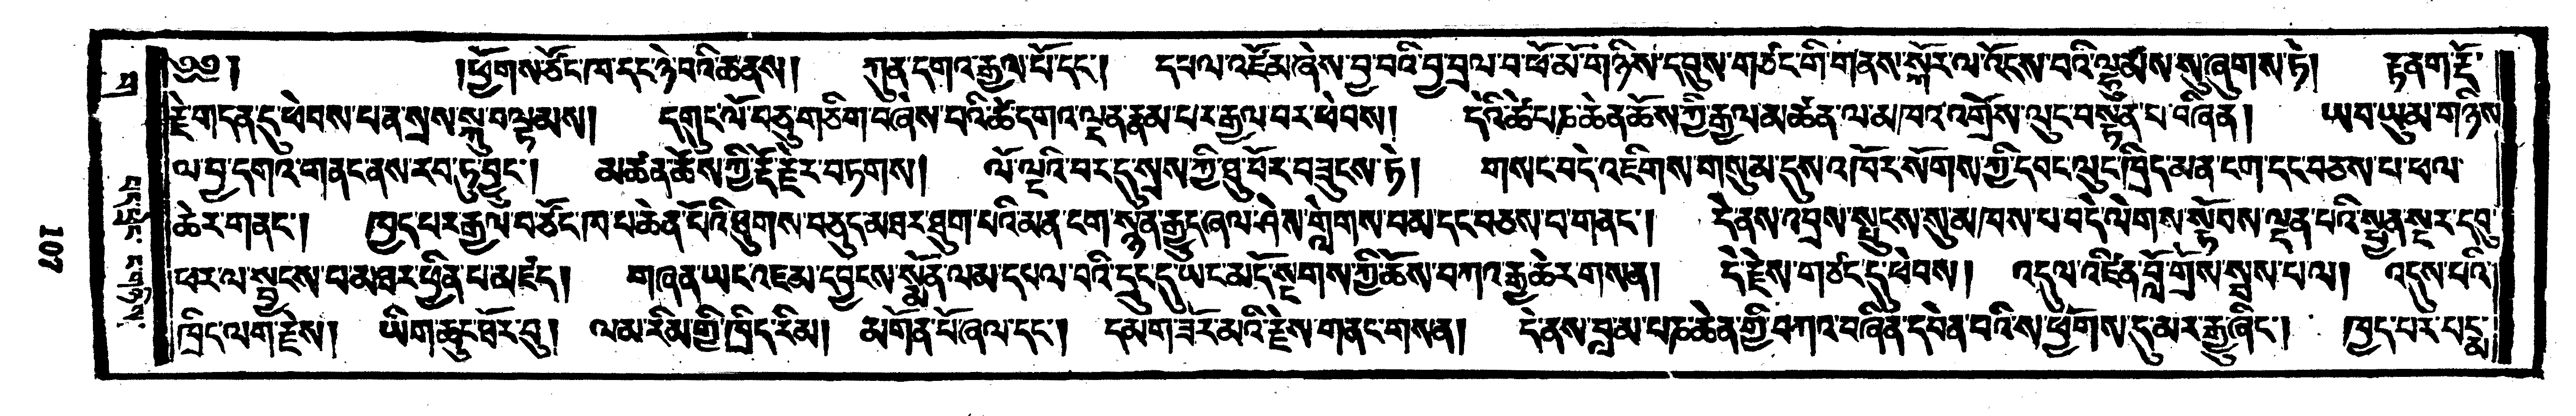༄༅། །ཕྱོགས་ཙོང་ཁ་དང་ཉེ་བའི་ཆ་ནས། ཀུན་དགའ་རྒྱལ་པོ་དང་། དཔལ་འཛོམ་ཞེས་བྱ་བའི་བྱ་བྲལ་བ་ཕོ་མོ་གཉིས་དབུས་གཙང་གི་གནས་སྐོར་ལ་འོངས་པའི་ལྷུམས་སུ་ཞུགས་ཏེ། རྟ་ནག་རྡོ་
རྗེ་གདན་དུ་ཕེབས་པ་ན་སྲས་སྐུ་བལྟམས། དགུང་ལོ་བཅུ་གཅིག་བཞེས་པའི་ཚེ་དགའ་ལྡན་རྣམ་པར་རྒྱལ་བར་ཕེབས། དེའི་ཚེ་པཎ་ཆེན་ཆོས་ཀྱི་རྒྱལ་མཚན་ལ་མཁའ་འགྲོས་ལུང་བསྟན་པ་བཞིན། ཡབ་ཡུམ་གཉིས་
ལ་བྱ་དགའ་གནང་ནས་རབ་ཏུ་བྱུང་། མཚན་ཆོས་ཀྱི་རྡོ་རྗེར་བཏགས། ལོ་ལྔའི་བར་དུ་སྲས་ཀྱི་ཐུ་བོར་བཟུངས་ཏེ། གསང་བདེ་འཇིགས་གསུམ་དུས་འཁོར་སོགས་ཀྱི་དབང་ལུང་ཁྲིད་མན་ངག་དང་བཅས་པ་ཕལ་
ཆེར་གནང་། ཁྱད་པར་རྒྱལ་བ་ཙོང་ཁ་པ་ཆེན་པོའི་ཐུགས་བཅུད་མཐར་ཐུག་པའི་མན་ངག་སྙན་རྒྱུད་ཞལ་ཤེས་གླེགས་བམ་དང་བཅས་པ་གནང་། དེ་ནས་འབྲས་སྤུངས་སུ་མཁས་པ་བདེ་ལེགས་སྟོབས་ལྡན་པའི་སྤྱན་སྔར་དབུ་
ཕར་ལ་སྦྱངས་པ་མཐར་ཕྱིན་པ་མཛད། གཞན་ཡང་འཇམ་དབྱངས་སྨོན་ལམ་དཔལ་པའི་དྲུང་དུ་ཡང་མདོ་སྔགས་ཀྱི་ཆོས་བཀའ་རྒྱ་ཆེར་གསན། དེ་རྗེས་གཙང་དུ་ཕེབས། འདུལ་འཛིན་བློ་གྲོས་སྦས་པ་ལ། འདུས་པའི་
ཁྲིད་ལག་རྗེས། ཡིག་ཆུང་ཐོར་བུ། ལམ་རིམ་གྱི་ཁྲིད་རིམ། མགོན་པོ་ཞལ་དང་། དམག་ཟོར་མའི་རྗེས་གནང་གསན། དེ་ནས་བླ་མ་པཎ་ཆེན་གྱི་བཀའ་བཞིན་དབེན་པའི་ས་ཕྱོགས་དུ་མར་རྒྱུ་ཞིང་། ཁྱད་པར་པདམ་